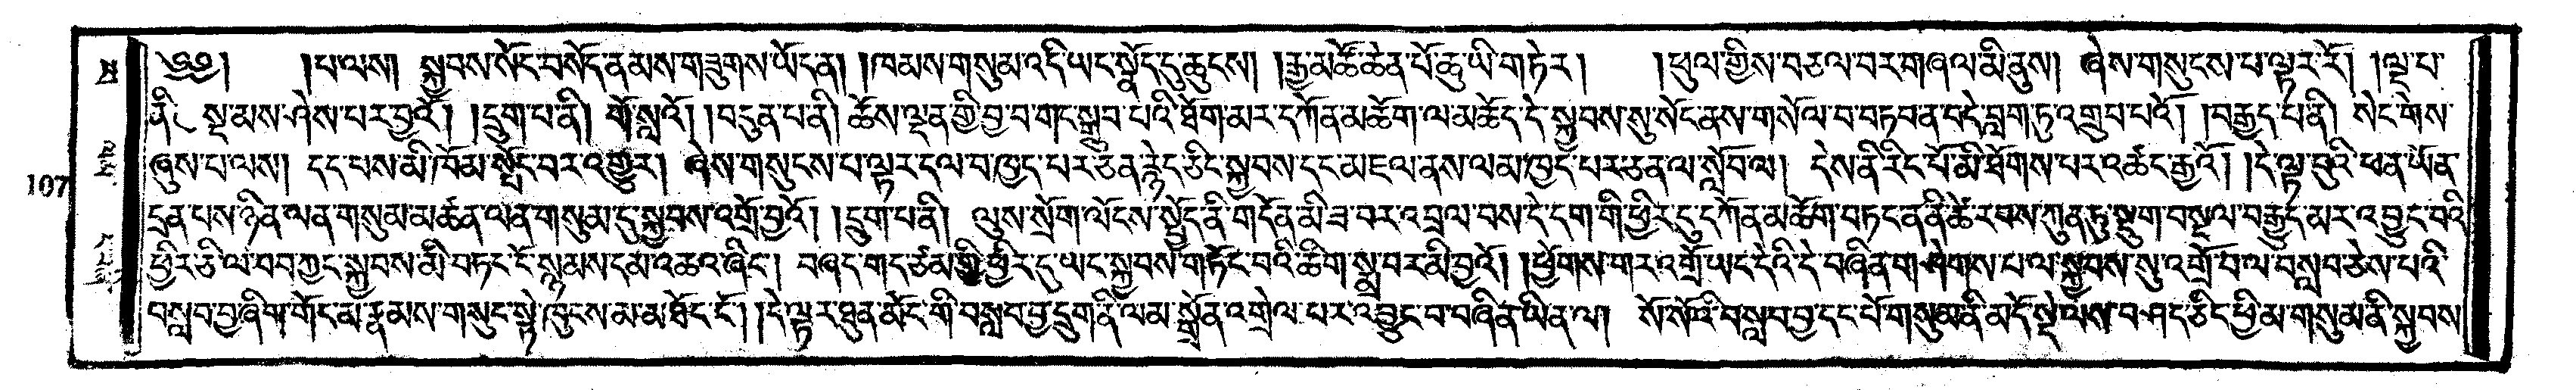༄༅། །པ་ལས། སྐྱབས་སོང་བསོད་ནམས་གཟུགས་ཡོད་ན། །ཁམས་གསུམ་འདི་ཡང་སྣོད་དུ་ཚུངས། །རྒྱ་མཚོ་ཆེན་པོ་ཆུ་ཡི་གཏེར། །ཕུལ་གྱིས་བཅལ་བར་གཞལ་མི་ནུས། ཞེས་གསུངས་པ་ལྟར་རོ། །ལྔ་པ་
ནི༑ སྔ་མས་ཤེས་པར་བྱའོ། །དྲུག་པ་ནི། གོ་སླའོ། གོ་སླའོ། །བདུན་པ་ནི། ཆོས་ལྡན་གྱི་བྱ་བ་གང་སྒྲུབ་པའི་ཐོག་མར་དཀོན་མཆོག་ལ་མཆོད་དེ་སྐྱབས་སུ་སོང་ནས་གསོལ་བ་བཏབ་པ་དེ་བླག་ཏུ་འགྲུབ་པའོ། །བརྒྱད་པ་ནི། སེང་གེས་
ཞུས་པ་ལས། དད་པས་མི་ཁོམ་སྤོང་བར་འགྱུར། ཞེས་གསུངས་པ་ལྟར་དལ་པ་ཁྱད་པར་ཅན་རྙེད་ཅིང་སྐྱབས་དང་མཇལ་ནས་ལམ་ཁྱད་པར་ཅན་ལ་སློབ་ལ། དེས་ནི་རིང་པོ་མི་ཐོགས་པར་འཚང་རྒྱའོ། །དེ་ལྟ་བུའི་ཕན་ཡོན་
དྲན་པས་ཉིན་ལན་གསུམ་མཚན་ལན་གསུམ་དུ་སྐྱབས་འགྲོ་བྱའོ། །དྲུག་པ་ནི། ལུས་སྲོག་ལོངས་སྤྱོད་ནི་གདོན་མི་ཟ་བར་འབྲལ་བས་དེ་དག་གི་ཕྱིར་དུ་དཀོན་མཆོག་བཏང་ན་ནི་ཚེ་རབས་ཀུན་ཏུ་སྡུག་བསྔལ་བརྒྱུད་མར་འབྱུང་བའི་
ཕྱིར་ཅི་ལ་བབ་ཀྱང་སྐྱབས་མི་བཏང་ངོ་སྙམས་དམ་འཆའ་ཞིང་། བཞད་གད་ཙམ་གྱི་ཕྱིར་དུ་ཡང་སྐྱབས་གཏོང་བའི་ཚིག་སྨྲ་བར་མི་བྱའོ། །ཕྱོགས་གར་འགྲོ་ཡང་དེའི་དེ་བཞིན་གཤེགས་པ་ལ་སྐྱབས་སུ་འགྲོ་བ་ལ་བསླབ་ཅེས་པའི་
བསླབ་བྱ་ཞིག་གོང་མ་རྣམས་གསུང་སྟེ་ཁུངས་མ་མཐོང་ངོ། །དེ་ལྟར་ཐུན་མོང་གི་བསླབ་བྱ་དྲུག་ནི་ལམ་སྒྲོན་འགྲེལ་པར་འབྱུང་བ་བཞིན་ཡིན་ལ། སོ་སོའི་བསླབ་བྱ་དང་པོ་གསུམ་ནི་མདོ་སྡེ་ལས་བཤད་ཅིང་ཕྱི་མ་གསུམ་ནི་སྐྱབས་